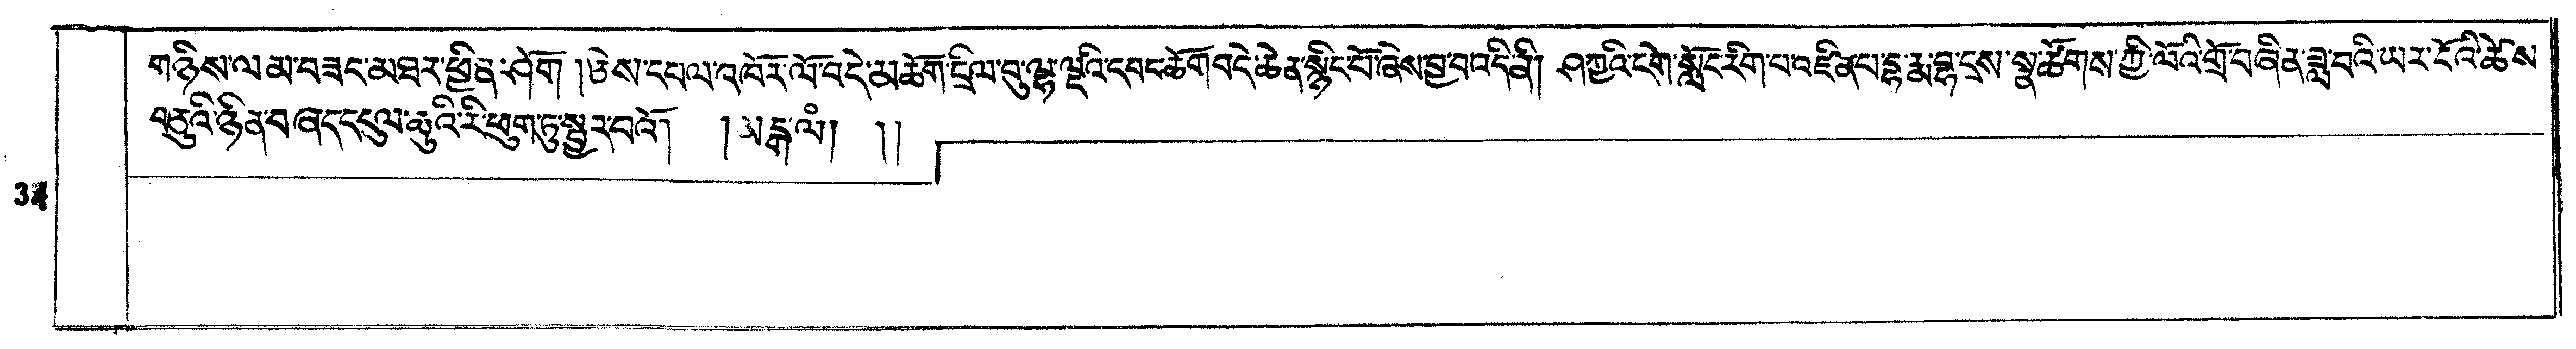གཉིས་ལམ་བཟང་མཐར་ཕྱིན་ཤོག །ཅེས་དཔལ་འཁོར་ལོ་བདེ་མཆོག་དྲིལ་བུ་ལྷ་ལྔའི་དབང་ཆོག་བདེ་ཆེན་སྙིང་པོ་ཞེས་བྱ་བ་འདི་ནི། ཤྐྱའི་དགེ་སློང་རིག་པ་འཛིན་པ་དྷ་རྨ་བྷ་དྲས་སྣ་ཚོགས་ཀྱི་ལོའི་གྲོ་བཞིན་ཟླ་བའི་ཡར་ངོའི་ཚེས་
བཅུའི་ཉིན་བཞད་དངུལ་ཆུའི་རི་ཕུག་ཏུ་སྦྱར་བའོ། །མངྒ་ལཾ། །།